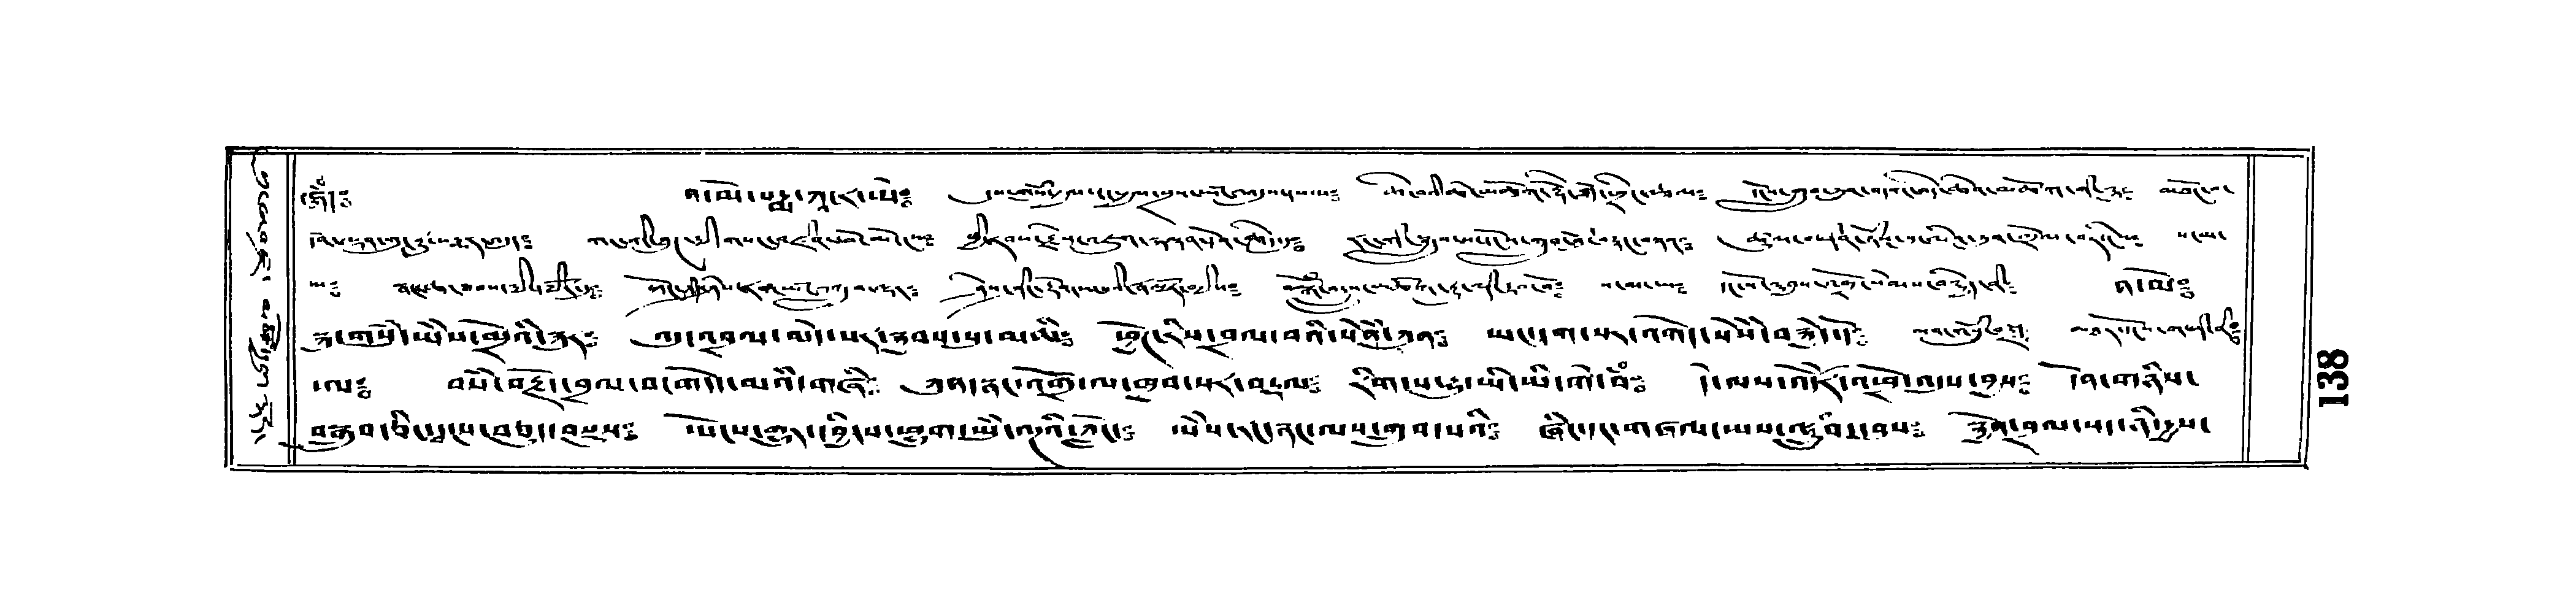ན་མོ་པདྨ་ཀཱ་ར་ཡེ༔ དུས་གསུམ་རྒྱལ་དང་རྒྱལ་སྲས་ཡོངས་འདུས་དཔལ༔ ཆེ་བའི་ཆེ་མཆོག་རྡོ་རྗེ་ཐོད་ཕྲེང་རྩལ༔ དངོས་གྲུབ་ཀུན་བདག་བདེ་ཆེན་མཆོག་གི་སྐུ༔ མཐོང་བ་
དོན་ལྡན་གུ་རུ་པདྨར་འདུད༔ གང་གི་ཐུགས་ཀྱི་གསང་འཛིན་ཁོ་མོ་ངས༔ ཕྱི་རབས་རྗེས་འཇུག་སྐལ་ལྡན་དོན་ཆེན་དུ༔ རང་གི་སྒྲུབ་པ་དངོས་གྲུབ་བུམ་བཟང་བསྟན༔ ཚུལ་བཞིན་ཉམས་སུ་ལེན་ཀུན་གྲོལ་བར་ངེས༔ ས་མ་
ཡ༔ སྣང་ཆ་ཐབས་ཀྱི་དཀྱིལ་འཁོར་དུ༔ སྟོང་ཉིད་ཤེས་རབ་ཡོངས་གྲུབ་ལྟར༔ ཤེས་ཤིང་རྟོགས་པའི་རྣལ་འབྱོར་གྱིས༔ བསྒོམ་བཟླས་མཆོག་ཏུ་འདི་ཟབ་བོ༔ ས་མ་ཡ༔ དང་པོ་སྐྱབས་འགྲོ་སེམས་བསྐྱེད་ནི༔ ན་མོ༔ 
སྐུ་གསུམ་ཡེ་ཤེས་མཁའ་འགྲོའི་སྐུར༔ འདུ་འབྲལ་མེད་པར་སྐྱབས་སུ་མཆི༔ ཕྱོགས་རིས་བྲལ་བའི་སེམས་ཅན་ཀུན༔ ཡང་དག་སར་འགོད་སེམས་བསྐྱེད་དོ༔ ལན་གསུམ་བརྗོད༔ མཐར་དངོས་གཞི་ནི༔ 
ཨཱཿ བསམ་བརྗོད་བྲལ་བ་གདོད་མའི་གཞི༔ ཀུན་སྣང་འགྲོ་ལ་ཁྱབ་པར་བརྡལ༔ རིག་པ་རྒྱུ་ཡི་ཡི་གེ་བྃ༔ དེ་ལས་འོད་ཟེར་འཕྲོ་འདུས་བྱས༔ དོན་གཉིས་
བསྒྲུབས་ཤིང་དྭངས་བཅུད་བསྡུས༔ ཡོངས་གྱུར་དབྱིངས་ཕྱུག་ཡུམ་ལྔའི་ཀློང༔ ཡེ་ཤེས་རང་སྣང་ལས་གྲུབ་པའི༔ ཞིང་དང་གཞལ་ཡས་ལྷུན་གྲུབ་དབུས༔ སྐྱོན་བྲལ་པད་ཉི་རྒྱས་